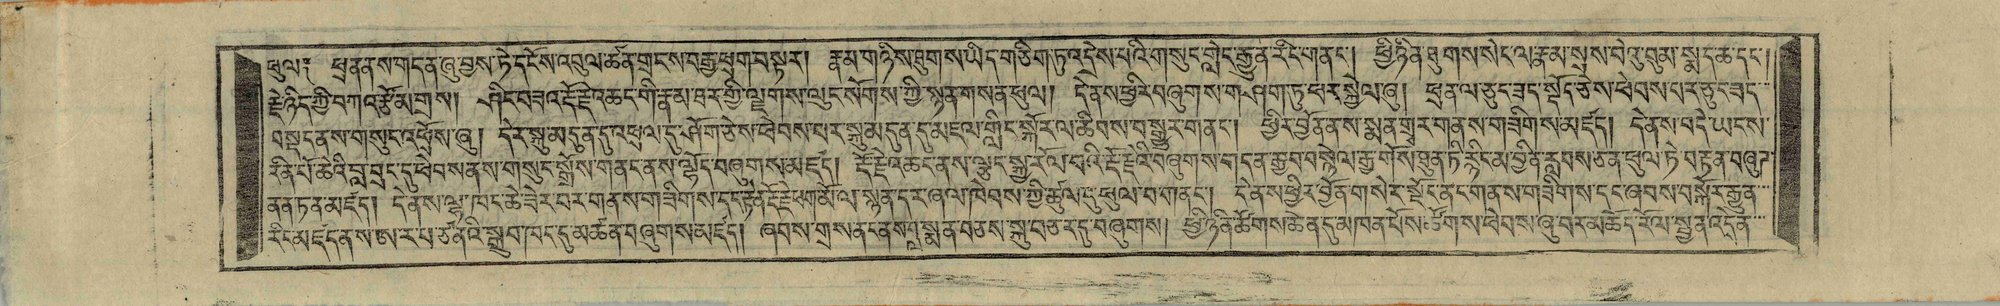ཕུལ༑ ཕྲན་ནས་གདན་ཞུ་བྱས་ཏེ་དངོས་འབུལ་ཚན་གྲངས་བརྒྱ་ཕྲག་བསྟར། རྣམ་གཉིས་ཐུགས་ཡིད་གཅིག་ཏུ་འདྲེས་པའི་གསུང་གླེང་རྒྱུན་རིང་གནང་། ཕྱི་ཉིན་ཐུགས་སེང་ལ་རྣམ་སྲས་བེའུ་བུམ་སྨད་ཆ་དང་།
རྗེ་ཉིད་ཀྱི་བཀའ་རྩོམ་གྲས། ཤིང་བཟའ་རྡོ་རྗེ་འཆང་གི་རྣམ་ཐར་གྱི་ལྗགས་ལུང་སོགས་ཀྱི་སྙན་གསན་ཕུལ། དེ་ནས་ཕྱིར་བཞུགས་གཤག་ཏུ་ཕར་སྐྱེལ་ཞུ། ཕྲན་ལ་ཅུང་ཟད་སྡོད་ཅེས་ཕེབས་པར་ཅུང་ཟད་
བསྡད་ནས་གསུང་འཕྲོས་ཞུ། དེར་སྐུ་མདུན་དུ་འཕྲལ་དུ་ཤོག་ཅེས་ཕེབས་པར་སྐུ་མདུན་དུ་མཇལ་གླིང་སྐོར་ལ་ཆིབས་བསྒྱུར་གནང་། ཕྱིར་བྱོན་ནས་སྨན་གྲྭར་གནས་གཟིགས་མཛད། དེ་ནས་བདེ་ཡངས་
རིན་པོ་ཆེའི་བླ་བྲང་དུ་ཕེབས་ནས་གསུང་སྒྲོས་གནང་ནས་ལྷོད་བཞུགས་མཛད། རྡོ་རྗེ་འཆང་ནས་ལྕང་སྐྱ་རོལ་པའི་རྡོ་རྗེའི་བཞུགས་གདན་རྒྱབ་བསྙེལ་རྒྱ་གོས་ཐུན་ཏི་རྙིང་མ་བྱིན་རླབས་ཅན་ཕུལ་ཏེ་བརྟན་བཞུགས་
ནན་ཏན་མཛད། དེ་ནས་ལྷ་ཁང་ཆེ་ཟེར་བར་གནས་གཟིགས་དང་རྟེན་རྡོ་རྗེ་ཕག་མོ་ལ་སྙན་དར་ཞལ་ཁེབས་ཀྱི་ཚུལ་དུ་ཕུལ་བ་གནང་། དེ་ནས་ཕྱིར་བྱོན་གསེར་སྡོང་ནང་གནས་གཟིགས་དང་ཞབས་བསྐོར་རྒྱུན་
རིང་མཛད་ནས་ཨ་ར་པ་ཙ་ནའི་སྒྲུབ་ཁང་དུ་མཚན་བཞུགས་མཛད། ཞབས་གྲས་ནང་ནས་བླ་སྨན་བཅས་སྐུ་བཅར་དུ་བཞུགས། ཕྱི་ཉིན་ཚོགས་ཆེན་དུ་མཁན་པོས་ཚོགས་ཕེབས་ཞུ་བར་མཆོད་རོལ་སྤྱན་འདྲེན་